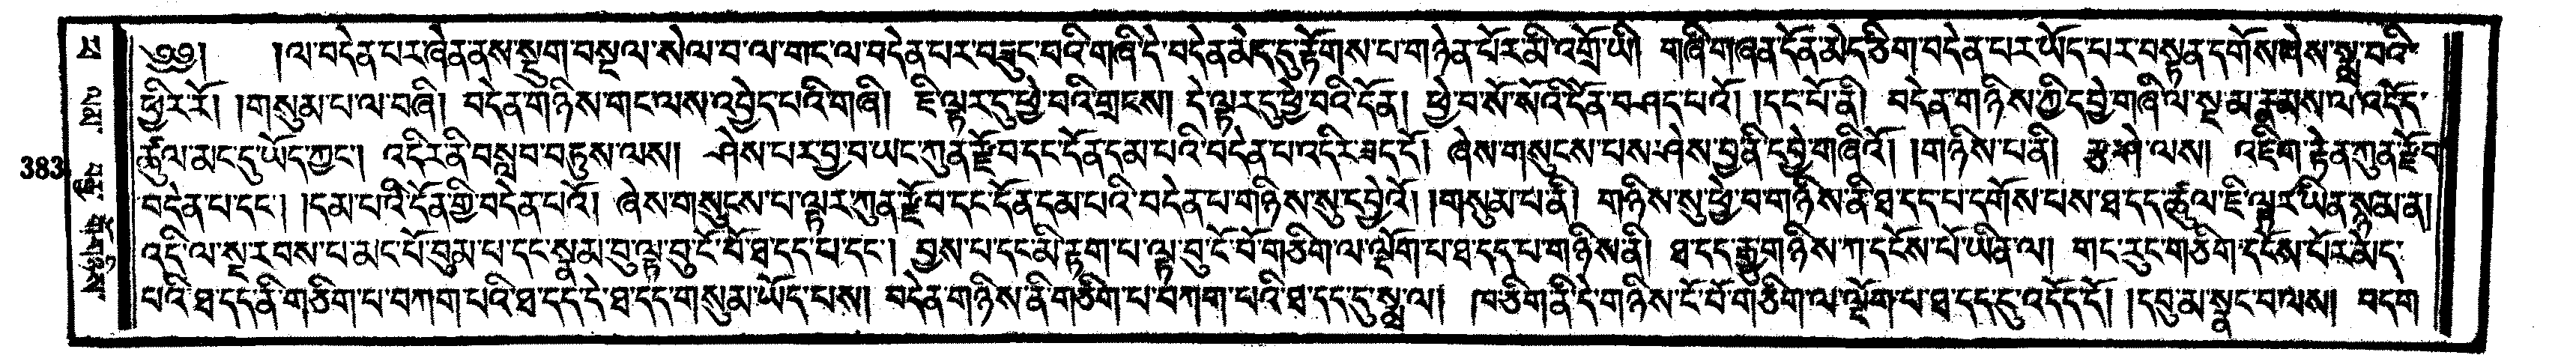༄༅། །ལ་བདེན་པར་ཞེན་ནས་སྡུག་བསྔལ་སེལ་བ་ལ་གང་ལ་བདེན་པར་བཟུང་བའི་གཞི་དེ་བདེན་མེད་དུ་རྟོགས་པ་གཉེན་པོར་མི་འགྲོ་ཡི། གཞི་གཞན་དོན་མེད་ཅིག་བདེན་པར་ཡོད་པར་བསྟན་དགོས་ཞེས་སྨྲ་བའི་
ཕྱིར་རོ། །གསུམ་པ་ལ་བཞི། བདེན་གཉིས་གང་ལས་འབྱེད་པའི་གཞི། ཇི་ལྟར་དུ་ཕྱེ་བའི་གྲངས། དེ་ལྟར་དུ་ཕྱེ་བའི་དོན། ཕྱེ་བ་སོ་སོའི་དོན་བཤད་པའོ། །དང་པོ་ནི། བདེན་གཉིས་ཀྱི་དབྱེ་གཞི་ལ་སྔ་མ་རྣམས་ལ་འདོད་
ཚུལ་མང་དུ་ཡོད་ཀྱང་། འདིར་ནི་བསླབ་བཏུས་ལས། ཤེས་པར་བྱ་བ་ཡང་ཀུན་རྫོབ་དང་དོན་དམ་པའི་བདེན་པ་འདིར་ཟད་དོ། ཞེས་གསུངས་པས་ཤེས་བྱ་ནི་དབྱེ་གཞིའོ། །གཉིས་པ་ནི། རྩ་ཤེ་ལས། འཇིག་རྟེན་ཀུན་རྫོབ་
བདེན་པ་དང་། །དམ་པའི་དོན་གྱི་བདེན་པའོ། ཞེས་གསུངས་པ་ལྟར་ཀུན་རྫོབ་དང་དོན་དམ་པའི་བདེན་པ་གཉིས་སུ་དབྱེའོ། །གསུམ་པ་ནི། གཉིས་སུ་ཕྱེ་བ་གཉིས་ནི་ཐ་དད་པ་དགོས་པས་ཐ་དད་ཚུལ་ཇི་ལྟར་ཡིན་སྙམ་ན།
འདི་ལ་སྔ་རབས་པ་མང་པོ་བུམ་པ་དང་སྣམ་བུ་ལྟ་བུ་ངོ་བོ་ཐ་དད་པ་དང་། བྱས་པ་དང་མི་རྟག་པ་ལྟ་བུ་ངོ་བོ་གཅིག་ལ་ལྡོག་པ་ཐ་དད་པ་གཉིས་ནི། ཐ་དད་རྒྱུ་གཉིས་ཀ་དངོས་པོ་ཡིན་ལ། གང་རུང་གཅིག་དངོས་པོར་མེད་
པའི་ཐ་དད་ནི་གཅིག་པ་བཀག་པའི་ཐ་དད་གསུམ་ཡོད་པས། བདེན་གཉིས་ནི་གཅིག་པ་བཀག་པའི་ཐ་དད་དུ་སྨྲ་ལ། ཁ་ཅིག་ནི་དེ་གཉིས་ངོ་བོ་གཅིག་ལ་ལྡོག་པ་ཐ་དད་དུ་འདོད་དོ། །དབུ་མ་སྣང་བ་ལས། བདག་